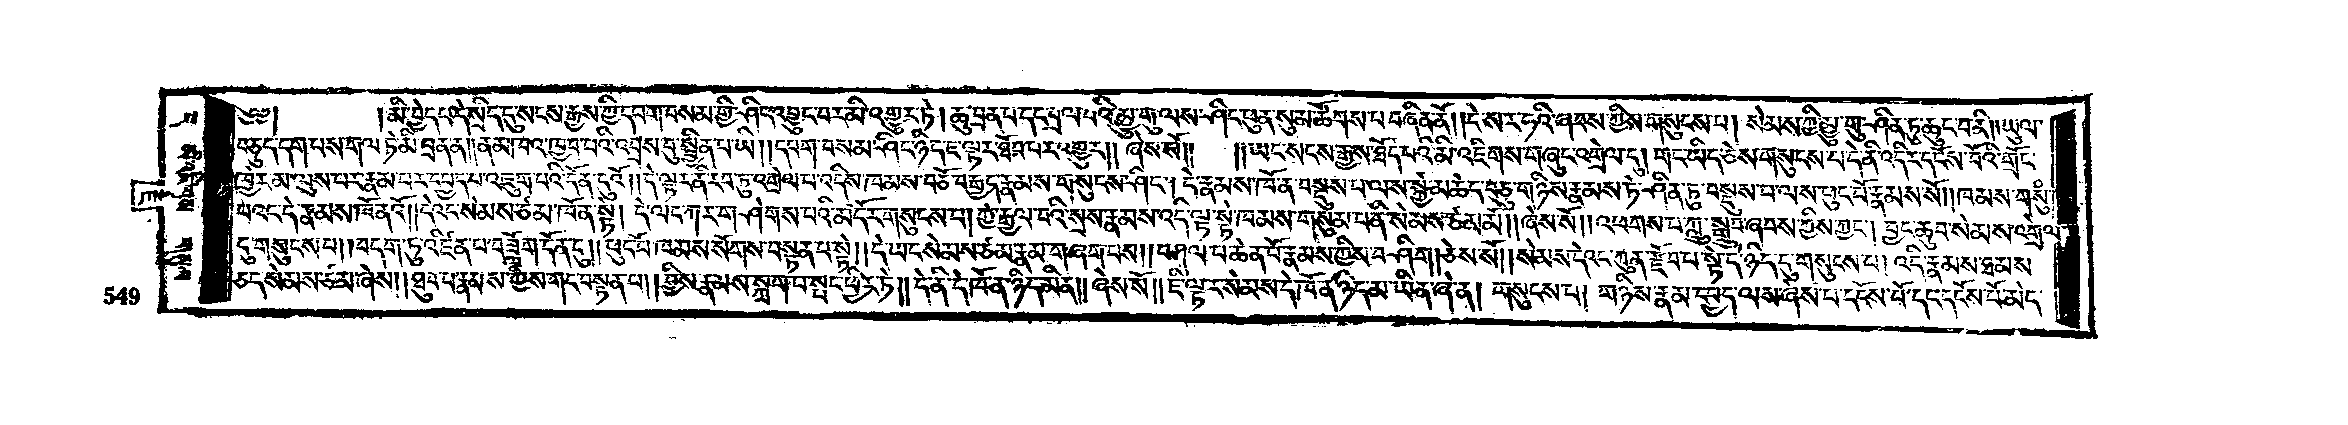༄༅། །མི་བྱེད་པ་དེ་སྲིད་དུ་སངས་རྒྱས་ཀྱི་དཔག་བསམ་གྱི་ཤིང་འབྱུང་བར་མི་འགྱུར་ཏེ། ཆུ་བྲན་པ་དང་བྲལ་བའི་མྱུ་གུ་ལས་ཤིང་ཕུན་སུམ་ཚོགས་པ་བཞིན་ནོ། །དེ་ས་ར་ཧའི་ཞབས་ཀྱིས་གསུངས་པ། སེམས་ཀྱི་མྱུ་གུ་ཤིན་ཏུ་ཆུང་བ་ནི། །ཡུལ་
བཅུད་དག་པས་གལ་ཏེ་མི་བྲན་ན། །ནམ་མཁའ་ཁྱབ་པའི་འབྲས་བུ་སྦྱིན་པ་ཡི། །དཔག་བསམ་ཤིང་ཉིད་ཇི་ལྟར་ཐོབ་པར་འགྱུར། །ཞེས་སོ། །ཡང་སངས་རྒྱས་ཐོད་པའི་མི་འཇིགས་གཞུང་འགྲེལ་དུ། གང་ཡིད་ཅེས་གསུངས་པ་དེ་ནི་འདིར་དངོས་བོའི་གྲོང་
ཁྱེར་མ་ལུས་པར་རྣམ་པར་དཔྱད་པ་འཇུག་པའི་དོན་དུའོ། །དེ་ལྟར་ནི་རབ་ཏུ་འགྲེལ་པ་འདིས་ཁམས་བཅོ་བརྒྱད་རྣམས་གསུངས་ཤིང་། དེ་རྣམས་ཁོ་ན་བསྡུས་པ་ལས་སྐྱེ་མཆེད་བཅུ་གཉིས་རྣམས་ཏེ་ཤིན་ཏུ་བསྡུས་པ་ལས་ཕུང་པོ་རྣམས་སོ། །ཁམས་གསུམ་
པའང་དེ་རྣམས་ཁོ་ནའོ། །དེའང་སེམས་ཙམ་ཁོ་ན་སྟེ། དེ་ལང་ཀར་གཤེགས་པའི་མདོར་གསུངས་པ། ཀྱེ་རྒྱལ་བའི་སྲས་རྣམས་འདི་ལྟ་སྟེ་ཁམས་གསུམ་པ་ནི་སེམས་ཙམ་མོ། །ཞེས་སོ། །འཕགས་པ་ཀླུ་སྒྲུབ་ཞབས་ཀྱིས་ཀྱང་། བྱང་ཆུབ་སེམས་འགྲེལ་
དུ་གསུངས་པ། །བདག་ཏུ་འཛིན་པ་བཟློག་དོན་དུ། །ཕུང་པོ་ཁམས་སོགས་བསྟན་པ་སྟེ། །དེ་ཡང་སེམས་ཙམ་རྣམ་གཞག་པས། །བཤལ་པ་ཆེན་པོ་རྣམས་ཀྱིས་བཤིག །ཅེས་སོ། །སེམས་དེའང་ཀུན་རྫོབ་པ་སྟེ་དེ་ཉིད་དུ་གསུངས་པ། འདི་རྣམས་ཐམས་
ཅད་སེམས་ཙམ་ཞེས། །ཐུབ་པ་རྣམས་ཀྱིས་གང་བསྟན་པ། །བྱིས་རྣམས་སྐྲག་པ་སྤང་ཕྱིར་ཏེ། །དེ་ནི་དེ་ཁོ་ན་ཉིད་མིན། །ཞེས་སོ། །ཇི་ལྟར་སེམས་དེ་ཁོ་ན་ཉིད་མ་ཡིན་ཞེ་ན། གསུངས་པ། གཉིས་རྣམ་དཔྱད་ལས་ཞེས་པ་དངོས་པོ་དང་དངོས་པོ་མེད་